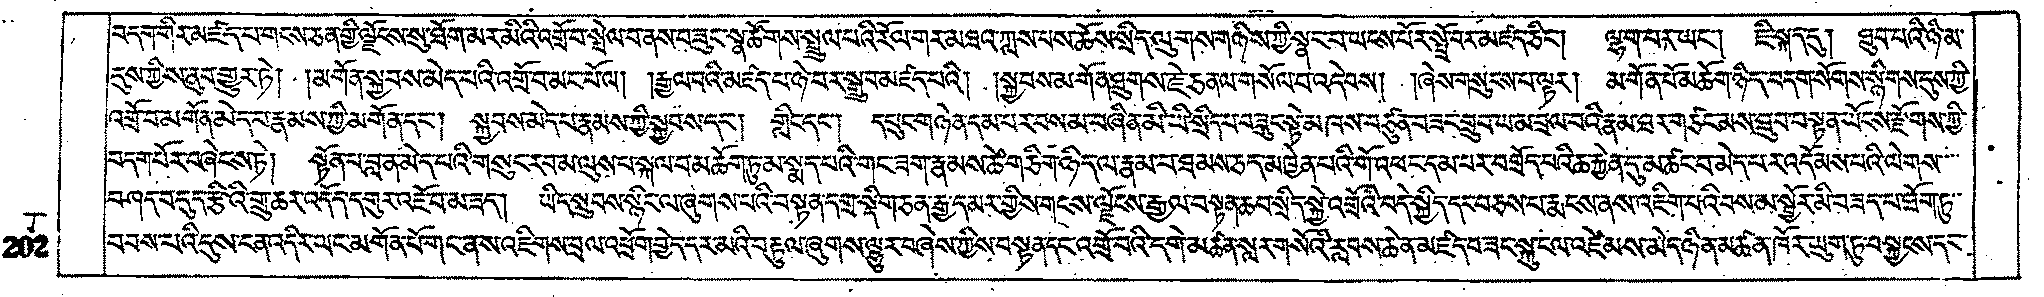བདག་གིར་མཛད་པ་གངས་ཅན་གྱི་ལྗོངས་སུ་ཐོག་མར་མིའི་འགྲོ་བ་སྤེལ་བ་ནས་བཟུང་སྣ་ཚོགས་སྤྲུལ་པའི་རོལ་གར་མཐའ་ཀླས་པས་ཆོས་སྲིད་ལུགས་གཉིས་ཀྱི་སྣང་བ་ཡངས་པོར་སྤྲོ་བར་མཛད་ཅིང་། ལྷག་པར་ཡང་། ཇི་སྐད་དུ། ཐུབ་པའི་ཉི་མ་
དུས་ཀྱིས་ནུབ་གྱུར་ཏེ། །མགོན་སྐྱབས་མེད་པའི་འགྲོ་བ་མང་པོ་ལ། །རྒྱལ་བའི་མཛད་པ་ཉེ་བར་སྒྲུབ་མཛད་པའི། །སྐྱབས་མགོན་ཐུགས་རྗེ་ཅན་ལ་གསོལ་བ་འདེབས། །ཞེས་གསུངས་པ་ལྟར། མགོན་པོ་མཆོག་ཉིད་བདག་སོགས་སྙིགས་དུས་ཀྱི་
འགྲོ་བ་མགོན་མེད་པ་རྣམས་ཀྱི་མགོན་དང་། སྐྱབས་མེད་པ་རྣམས་ཀྱི་སྐྱབས་དང་། གླིང་དང་། དཔུང་གཉེན་དམ་པར་བསམ་བཞིན་མི་ཡི་སྲིད་པ་བཟུང་སྟེ་མཁས་བ་ཙུན་བཟང་གྲུབ་ཡ་མ་བྲལ་བའི་རྣམ་ཐར་གཙང་མས་ཐུབ་བསྟན་ཡོངས་རྫོགས་ཀྱི་
བདག་པོར་བཞེངས་ཏེ། སྟོན་པ་བླ་ན་མེད་པའི་གསུང་རབ་མ་ལུས་པ་སྐལ་བ་མཆོག་ཏུ་མ་སྨད་པའི་གང་ཟག་རྣམས་ཚེ་གཅིག་ཉིད་ལ་རྣམ་པ་ཐམས་ཅད་མཁྱེན་པའི་གོ་འཕང་དམ་པར་བགྲོད་པའི་ཆ་རྐྱེན་དུ་མ་ཚང་བ་མེད་པར་འདོམས་པའི་ལེགས་་་
བཤད་བདུད་རྩིའི་གྲུ་ཆར་འདོད་དགུར་འཇོ་བ་མ་ཟད། ཡིད་སྲུབས་སྙིང་ལ་ཞུགས་པའི་བསྟན་དགྲ་སྡིག་ཅན་རྒྱ་དམར་གྱིས་གངས་ལྗོངས་རྒྱལ་བསྟན་ཆབ་སྲིད་སྐྱེ་འགྲོའི་བདེ་སྐྱིད་དང་བཅས་པ་རྨངས་ནས་འཇིག་པའི་བསམ་སྦྱོར་མི་བཟད་པ་ཐོག་ཏུ་་་
བབས་པའི་དུས་ངན་འདིར་ཡང་མགོན་པོ་གང་ནས་འཇིགས་བྲལ་འ་ཕྲོག་བྱེད་དར་མའི་བརྟུལ་ཞུགས་ལྷུར་བཞེས་ཀྱིས་བསྟན་དང་འགྲོ་བའི་དགེ་མཚན་སླར་གསོའི་རླབས་ཆེན་མཛད་བཟང་སྐུ་ངལ་འཛེམས་མེད་ཉིན་མཚན་ཁོར་ཡུག་ཏུ་བསྐྱངས་དང་་་